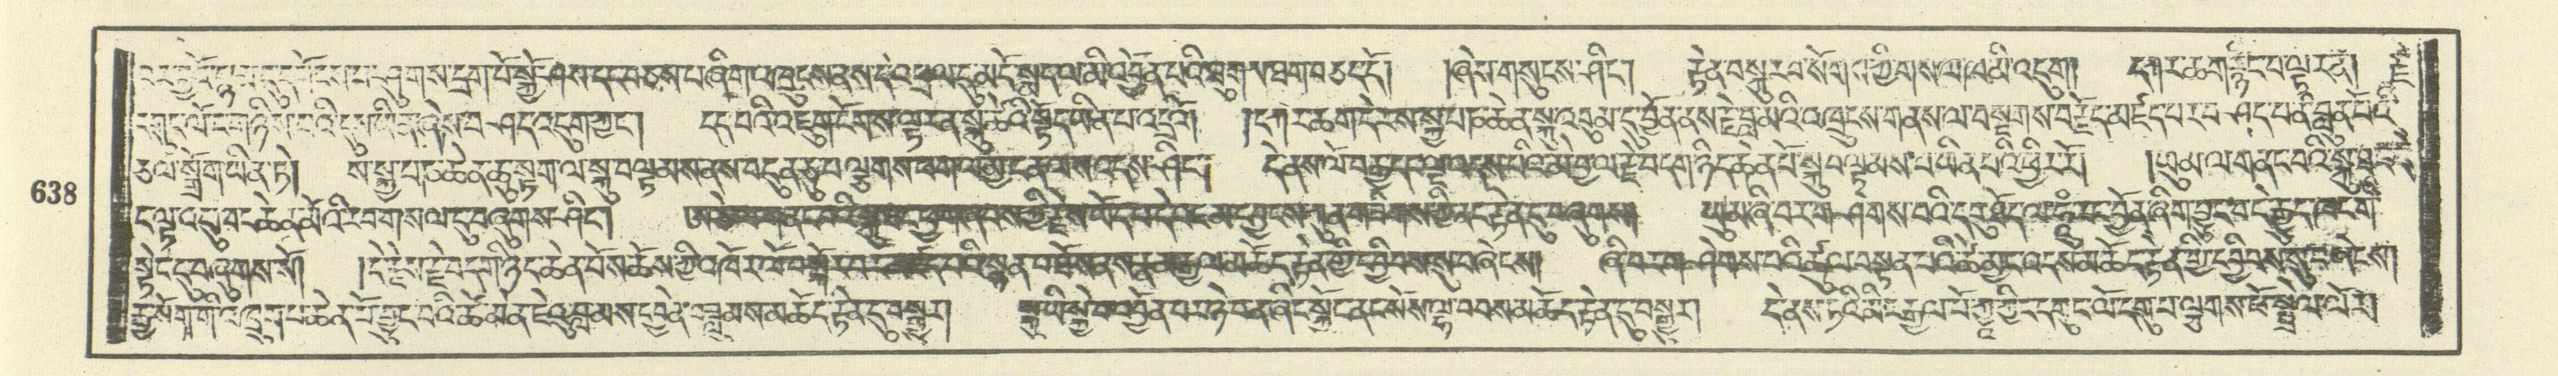བར་བྱའོ་སྙམ་དུ་དགོངས་པ་ཤུགས་དྲག་པོ་སྐྱོ་ཤས་དང་བཅས་པ་ཞིག་འཁྲུངས་ནས་དེ་འཕྲལ་དུ་མདོ་སྨད་ལ་མི་འབྱོན་པའི་ཐུགས་ཐག་བཅད་དོ། །ཞེས་གསུངས་ཤིང་། རྟེན་བསྐུར་བ་སོགས་ཀྱི་གསལ་ཁ་མི་འདུག། དཀར་ཆག་རྙིང་བ་ལྟར་ན། རྗེ་
དགུང་ལོ་ང་གཉིས་པའི་དུས་ཡིན་ཞེས་བཤད་འདུག་ཀྱང་། དད་པའི་འཇུག་ངོགས་ལྟར་ན་སྐུ་ཚེའི་སྟོད་ཡིན་པ་འདྲའོ། །དཀར་ཆག་དེར་ས་སྐྱ་པཎ་ཆེན་སྐུ་འབུམ་དུ་བྱོན་ནས་རྗེ་བླ་མའི་འཁྲུངས་གནས་ལ་བསྔགས་བརྗོད་མཛད་པར་བཤད་པ་ནི་བླུན་པོའི་
ཅལ་སྒྲོག་ཡིན་ཏེ། ས་སྐྱ་པཎ་ཆེན་ཆུ་སྟག་ལ་སྐུ་བལྟམས་ནས་བདུན་ཅུ་པ་ལྕགས་ཕག་ལ་མྱ་ངན་ལས་འདས་ཤིང་། དེ་ནས་ལོ་བརྒྱ་དང་ལྔ་འདས་པའི་མེ་བྱ་ལ་རྗེ་བདག་ཉིད་ཆེན་པོ་སྐུ་བལྟམས་པ་ཡིན་པའི་ཕྱིར་རོ། །ཡུམ་ལ་གནང་བའི་སྐུ་ཐང་དེ་
ད་ལྟ་འདུ་ཁང་ཆེན་མོའི་རབ་གསལ་དུ་བཞུགས་ཤིང་། ཨ་ཅེ་ལ་གནང་བའི་སྐུ་ཐང་ཕྱག་ཞབས་ཀྱི་རྗེས་ཡོད་པ་དེ་འཇམ་དབྱངས་ཀུན་གཟིགས་ཀྱི་ནང་རྟེན་དུ་བཞུགས། ཡུམ་ཞི་བར་གཤེགས་བའི་དབུ་ཐོད་ལ་ཧཱུཾ་རང་བྱོན་ཞིག་བྱུང་བ་དེ་རྒྱུད་ཁང་གི་
སྟེང་དུ་བཞུགས་སོ། །དེ་རྗེས་རྗེ་བདག་ཉིད་ཆེན་པོས་ཆོས་ཀྱི་འཁོར་ལོ་བསྐོར་བར་མཛད་པའི་སྙན་པ་ཐོས་ནས་རྣམ་རྒྱལ་མཆོད་རྟེན་གྱི་དབྱིབས་སུ་བཞེངས། ཞི་བར་གཤེགས་པའི་ཚུལ་བསྟན་པའི་ཚེ་མྱང་འདས་མཆོད་རྟེན་གྱི་དབྱིབས་སུ་བཞེངས།
རྒྱ་སོག་གི་འཁྲུག་པ་ཆེན་པོ་བྱུང་བའི་ཚེ་མེན་ཇེའུ་བླ་མས་དབྱེན་བཟླུམས་མཆོད་རྟེན་དུ་བསྒྱུར། སྐུ་ཡི་སྐྱེ་བ་འབྱོན་པར་ཉེ་བ་ན་ཞིང་སྐྱོང་ནང་སོས་ལྷ་བབས་མཆོད་རྟེན་དུ་བསྒྱུར། དེ་ནས་ཏའི་མིང་རྒྱལ་པོ་ཀྱཱ་ཀྱིང་དགུང་ལོ་དགུ་པ་ལྕགས་ཕོ་སྤྲེལ་ལོར།